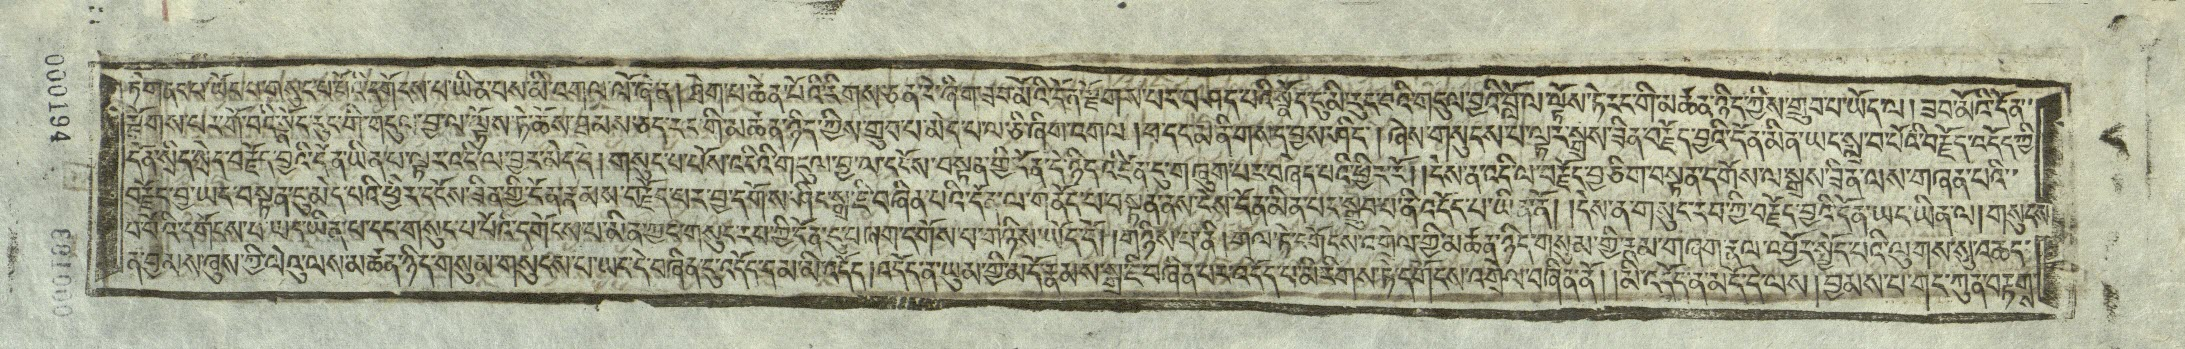ཏེ་གནང་བ་ཡོད་པ་གསུང་བ་པོའི་དགོངས་པ་ཡིན་པས་མི་འགལ་ལོ་ཞེ་ན། ཐེག་པ་ཆེན་པོའི་རིགས་ཅན་རེ་ཞིག་ཟབ་མོའི་དོན་རྫོགས་པར་བཤད་པའི་སྣོད་དུ་མི་རུང་བའི་གདུལ་བྱའི་བློ་ལ་ལྟོས་ཏེ་རང་གི་མཚན་ཉིད་ཀྱིས་གྲུབ་པ་ཡོད་ལ། ཟབ་མོའི་དོན་
རྫོགས་པར་གོ་བའི་སྣོད་རུང་གི་གདུལ་བྱ་ལ་ལྟོས་ཏེ་ཚེས་ཐམས་ཅད་རང་གི་མཚན་ཉིད་ཀྱིས་གྲུབ་པ་མེད་པ་ལ་ཅི་ཞིག་འགལ། ཕ་དང་མ་ནི་གསང་བྱས་ཤིང་། ཞེས་གསུངས་པ་ལྟར་སྒྲས་ཟིན་བརྗོད་བྱའི་དོན་མིན་ཡང་སྨྲ་བ་པོའི་བརྗོད་འདོད་ཀྱི་
དོན་སྲིད་སྲེད་བརྗོད་བྱའི་དོན་ཡིན་པ་ལྟར་འདི་ལ་བྱར་མེད་དེ། གསུང་བ་པོས་འདིའི་གདུལ་བྱ་ལ་དངོས་བསྟན་གྱི་དོན་དེ་ཉིད་འཛིན་དུ་གཞུག་པར་བཞེད་པའི་ཕྱིར་རོ། །དེས་ན་འདི་ལ་བརྗོད་བྱ་ཅིག་བསྟན་དགོས་ལ་སྒྲས་ཟིན་ལས་གཞན་པའི་
བརྗོད་བྱ་ཡང་བསྟན་དུ་མེད་པའི་ཕྱིར་དངོས་ཟིན་གྱི་དོན་རྣམས་བརྗོད་པར་བྱ་དགོས་ཤིང་སྒྲ་ཇི་བཞིན་པའི་དོན་ལ་གནོད་པ་བསྟན་ནས་ངེས་དོན་མིན་པར་སྒྲུབ་པ་ནི་འདོད་པ་ཡིན་ནོ། །དེས་ན་གསུང་རབ་ཀྱི་བརྗོད་བྱའི་དོན་ཡང་ཡིན་ལ། གསུང་
བ་པོའི་དགོངས་པ་ཡང་ཡིན་པ་དང་གསུང་བ་པོའི་དགོངས་པ་མིན་ཀྱང་གསུང་རབ་ཀྱི་དོན་དུ་བཞག་དགོས་པ་གཉིས་ཡོད་དོ། །གཉིས་པ་ནི། གལ་ཏེ་དགོངས་འགྲེལ་གྱི་མཚན་ཉིད་གསུམ་གྱི་རྣམ་གཞག་རྣལ་འབྱོར་སྦྱོད་པའི་ལུགས་སུ་འཆད་
ན་བྱམས་ཞུས་ཀྱི་ལེའུ་ལས་མཚན་ཉིད་གསུམ་གསུངས་པ་ཡང་དེ་བཞིན་དུ་འདོད་དམ་མི་འདོད། འདོད་ན་ཡུམ་གྱི་མདོ་རྣམས་སྒྲ་ཇི་བཞིན་པར་འདོད་པ་མི་རིགས་ཏེ་དགོངས་འགྲེལ་བཞིན་ནོ། །མི་འདོད་ན་མདོ་དེ་ལས། བྱམས་པ་གང་ཀུན་བརྟགས་